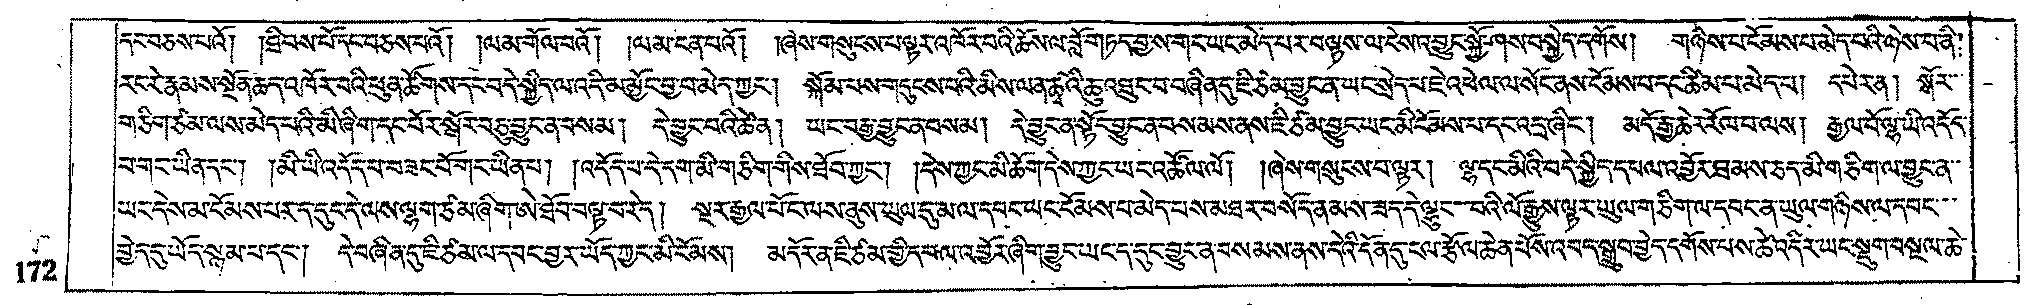དང་བཅས་པའོ། །ཐིབས་པོ་དང་བཅས་པའོ། །ལམ་གོལ་བའོ། །ལམ་ངན་པའོ། །ཞེས་གསུངས་པ་ལྟར་འཁོར་བའི་ཆོས་ལ་བློ་གཏད་བྱ་ས་གང་ཡང་མེད་པར་བལྟས་ལ་ངེས་འབྱུང་སྐྱོ་ཤས་བསྐྱེད་དགོས། གཉིས་པ་ངོམས་པ་མེད་པའི་ཉེས་པ་ནི།
རང་རེ་རྣམས་སྔོན་ཆད་འཁོར་བའི་ཕུན་ཚོགས་དང་བདེ་སྐྱིད་ལ་འདི་མ་མྱོང་བྱ་བ་མེད་ཀྱང་། སྐོམ་པས་གདུངས་པའི་མིས་ལན་ཚྭའི་ཆུ་འཐུང་བ་བཞིན་དུ་ཇི་ཙམ་བྱུང་ན་ཡང་སྲེད་པ་ཇེ་འཕེལ་ལ་སོང་ནས་ངོམས་པ་དང་ཚིམ་པ་མེད་པ། དཔེར་ན། སྒོར་་་
གཅིག་ཙམ་ལས་མེད་པའི་མི་ཞིག་དང་པོར་སྒོར་བཅུ་བྱུང་ན་བསམ། དེ་བྱུང་བའི་ཚེ་ན྾། ཡང་བརྒྱ་བྱུང་ན་བསམ། དེ་བྱུང་ན་སྟོང་བྱུང་ན་བསམས་ནས་ཇི་ཙམ་བྱུང་ཡང་མི་ངོམས་པ་དང་འདྲ་ཞིང་། མདོ་རྒྱ་ཆེར་རོལ་པ་ལས། རྒྱལ་པོ་ལྷ་ཡི་འདོད་
པ་གང་ཡིན་དང་། །མི་ཡི་འདོད་པ་བཟང་པོ་གང་ཡིན་པ། །འདོད་པ་དེ་དག་མི་གཅིག་གིས་ཐོབ་ཀྱང་། །དེས་ཀྱང་མི་ཆོག་དེས་ཀྱང་ཡང་འཚོལ་ལོ། །ཞེས་གསུངས་པ་ལྟར། ལྷ་དང་མིའི་བདེ་སྐྱིད་དཔལ་འབྱོར་ཐམས་ཅད་མི་གཅིག་ལ་བྱུང་ན་་་
ཡང་དེས་མ་ངོམས་པར་ད་དུང་དེ་ལས་ལྷག་ཙམ་ཞིག་ཨེ་ཐོབ་བལྟ་བ་རེད། སྔར་རྒྱལ་པོ་ང་ལས་ནུས་ཡུལ་དུ་མ་ལ་དབང་ཡང་ངོམས་པ་མེད་པས་མཐར་བསོད་ནམས་ཟད་དེ་ལྷུང་་་བའི་ལོ་རྒྱུས་ལྟར་ཡུལ་གཅིག་ལ་དབང་ན་ཡུལ་གཉིས་ལ་དབང་་་
བྱེད་དུ་ཡོད་སྙམ་པ་དང་། དེ་བཞིན་དུ་ཇི་ཙམ་ལ་དབང་བྱར་ཡོད་ཀྱང་མི་ངོམས། མདོར་ན་ཇི་ཙམ་གྱི་དཔལ་འབྱོར་ཞིག་བྱུང་ཡང་ད་དུང་བྱུང་ན་བསམས་ནས་དེའི་དོན་དུ་ངལ་རྩོལ་ཆེན་པོས་འབད་སྒྲུབ་བྱེད་དགོས་པས་ཚེ་འདིར་ཡང་སྡུག་བསྔལ་ཆེ་